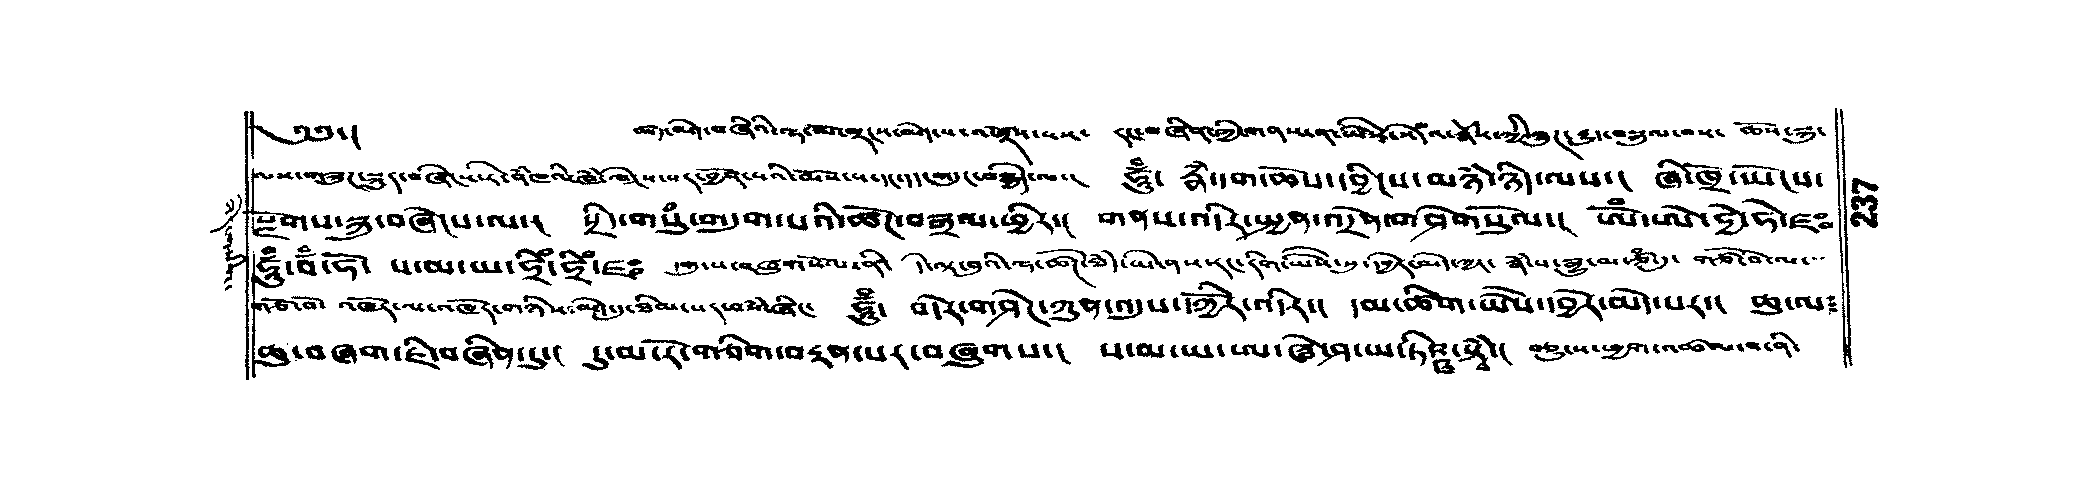ཚད་མེད་བཞིའི་ལྷ་མོ་གྲངས་མེད་པ་འཕྲོས་པས། རང་བཞིན་གྱི་གནས་ན་ཡེ་ཤེས་སེམས་དཔའ་རྣམས་ཀྱི་ཐུགས་རྒྱུད་བསྐུལ་བས། ཆོས་སྐུ་
ལས་གཟུགས་སྐུར་བཞེངས་ཏེ་ནམ་མཁའི་ཁམས་ཁེངས་པར་བྱོན་པའི་མོས་པ་དང་དད་གདུང་བསྐྱེད་ལ། ཧཱུྃ། རྣམ་དག་ཆོས་དབྱིངས་མཉམ་ཉིད་ལས། །ཞི་ཁྲོ་ཡོངས་
རྫོགས་སྐུ་བཞེངས་ལ། །སྲིད་གསུམ་གདུག་པའི་ཚོགས་བསྒྲལ་ཕྱིར། །གནས་འདིར་སྤྱན་འདྲེན་གཤེགས་སུ་གསོལ། །ཨོཾ་ཨེ་ཧྱེ་ཧེ་ཛཿ
ཧཱུྃ་བྃ་ཧོ། ས་མ་ཡ་ཧྲིཾ་ཧྲིཾ་ཛཿ དགུ་པ་བཞུགས་གསོལ་ནི། དེ་ལྟ་བུའི་ལྷ་ཚོགས་ཐམས་ཅད་ཡེ་ནས་རང་རིག་ཡེ་ཤེས་སུ་དབྱེར་མེད་ཀྱང་། རྣམ་པ་སྒྱུ་མ་ཙམ་དུ། གཙོ་བོ་ལ་
གཙོ་བོ། འཁོར་ལ་འཁོར་གཉིས་མེད་དུ་ཐིམ་པར་བསམ་ཞིང་། ཧཱུྃ། བདེར་བཤེགས་ཀུན་འདུས་དཀྱིལ་འཁོར་འདིར། །དམ་ཚིག་ཡེ་ཤེས་དབྱེར་མེད་པར། །ཆུ་ལ་
ཆུ་བཞག་ཇི་བཞིན་དུ། །དུ་མརོ་གཅིག་བརྟན་པར་བཞུགས། །ས་མ་ཡ་ཨ་ཝེ་ཤ་ཡ་ཏིཥྛ་སྟྭ། དགུ་པ་ཕྱག་འཚལ་བ་ནི།